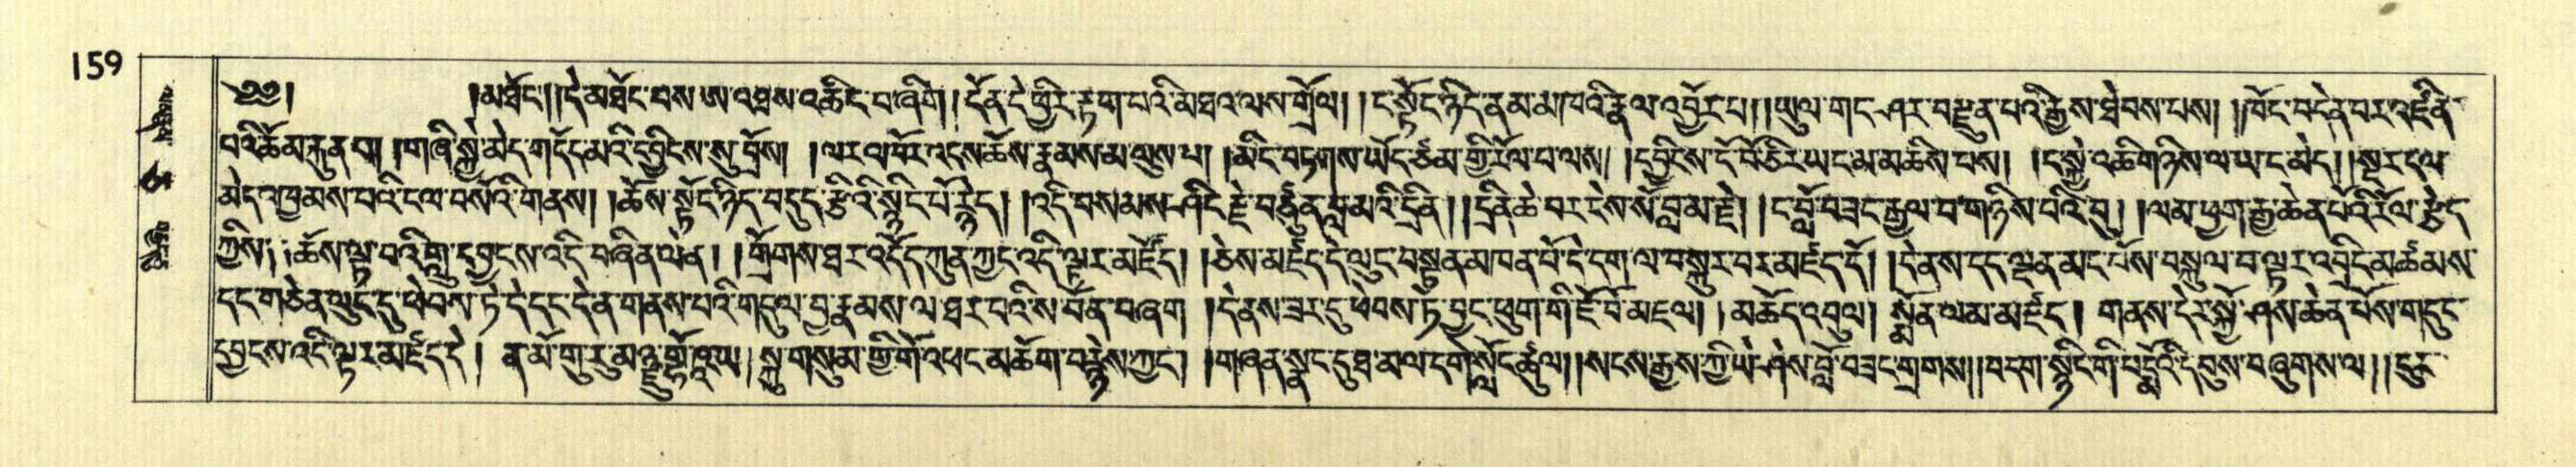༄༅། །མཐོང་། །དེ་མཐོང་བས་ཨ་འཐས་འཆིང་བ་ཞིག །དོན་དེ་ཕྱིར་རྟག་པའི་མཐའ་ལས་གྲོལ། །ང་སྟོང་ཉིད་ནམ་མཁའི་རྣལ་འབྱོར་པ། །ཡུལ་གང་ཤར་བརྫུན་པའི་རྒྱས་ཐེབས་པས། །ཁོང་བདེན་པར་འཛིན་
བའི་ཆོམ་རྐུན་པ། །གཞི་སྐྱེ་མེད་གདོད་མའི་དབྱིངས་སུ་བྲོས། །ལར་འཁོར་འདས་ཆོས་རྣམས་མ་ལུས་པ། །མིང་བཏགས་ཡོད་ཙམ་གྱི་རོལ་པ་ལས། །དབྱིངས་ངོ་བོ་ཅིར་ཡང་མ་མཆིས་པས། །ང་སྐྱེ་འཆི་གཉིས་ལ་ཡང་མེད། །སྔར་དལ་
མེད་འཁྱམས་པའི་ངལ་བསོའི་གནས། །ཆོས་སྟོང་ཉིད་བདུད་རྩིའི་སྙིང་པོ་རྙེད། །འདི་བསམས་ཤིང་རྗེ་བཙུན་བླ་མའི་དྲིན། །དྲིན་ཆེ་བར་ངེས་སོ་བླ་མ་རྗེ། །ང་བློ་བཟང་རྒྱལ་བ་གཉིས་པའི་བུ། །ལམ་ཕྱག་རྒྱ་ཆེན་པོའི་རོལ་རྩེད་
ཀྱིས༑ ༑ཆོས་ལྟ་བའི་གླུ་དབྱངས་འདི་བཞིན་ལེན། །གྲོགས་ཐར་འདོད་ཀུན་ཀྱང་འདི་ལྟར་མཛོད། །ཅེས་མཛད་དེ་ལུང་བསྟན་མཁན་པོ་དེ་དག་ལ་བསྐུར་བར་མཛད་དོ། །དེ་ནས་དད་ལྡན་མང་པོས་བསྐུལ་བ་ལྟར་འབྲིང་མཚམས་
དང་གཅེན་ལུང་དུ་ཕེབས་ཏེ་དེ་དང་དེ་ན་གནས་པའི་གདུལ་བྱ་རྣམས་ལ་ཐར་པའི་ས་བོན་བཞག །དེ་ནས་ཟར་དུ་ཕེབས་ཏེ་བྱང་ཕུག་གི་ཇོ་བོ་མཇལ། །མཆོད་འབུལ། སྨོན་ལམ་མཛད། གནས་དེར་སྐྱོ་ཤས་ཆེན་པོས་གདུང་
དབྱངས་འདི་ལྟར་མཛད་དེ། ན་མོ་གུ་རུ་མཉྫུ་གྷོ་ཥཱ་ཡ། སྐུ་གསུམ་གྱི་གོ་འཕང་མཆོག་བརྙེས་ཀྱང་། །གཞན་སྣང་དུ་ཐ་མལ་དགེ་སློང་ཚུལ། །སངས་རྒྱས་ཀྱི་ཡེ་ཤེས་བློ་བཟང་གྲགས། །བདག་སྙིང་གི་པདམོའི་དབུས་བཞུགས་ལ། །དུར་